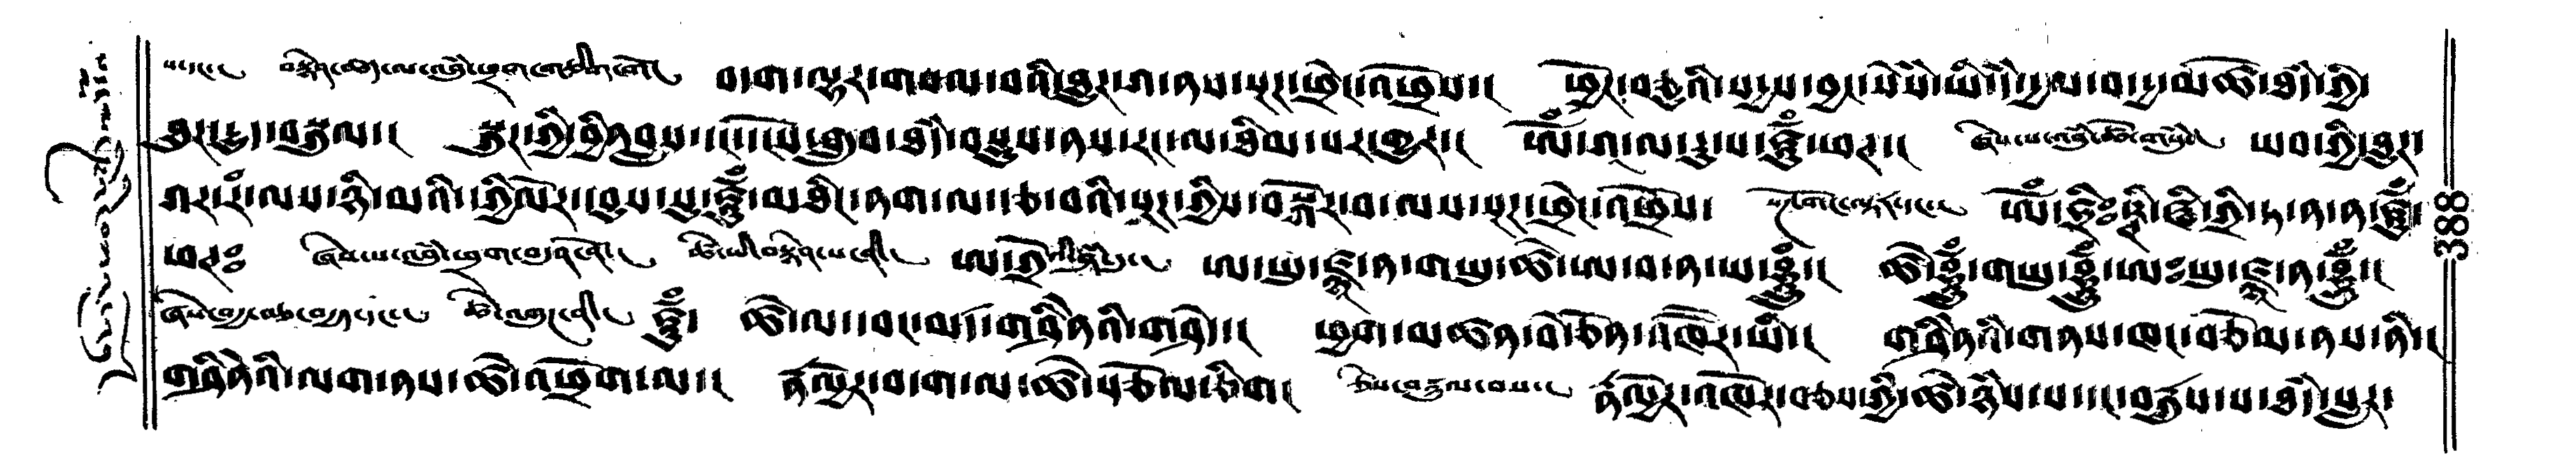པ་དང་། བསྙེན་ཚད་ལ་འབུམ་ཕྲག་གཅིག་གོ བདག་ལྷར་གསལ་བའི་ཐུགས་ཀ་ནས་སྔགས་ཕྲེང་འཕྲོས། ཕྱོགས་བཅུའི་སངས་རྒྱས་བྱང་སེམས་ཡི་དམ་རྒྱལ་བ་རྒྱ་མཚོ་ཐམས་ཅད་ཀྱི་
ཐུགས་རྒྱུད་བསྐུལ། སྐུ་གསུང་ཐུགས་བྱིན་རླབས་དང་དངོས་གྲུབ་ཐམས་ཅད་བསྡུས་ནས་རང་ལ་ཐིམ་པར་གྱུར། ཨོཾ་ཀཱ་ལ་རུ་པ་ཧཱུྃ་ཕཊཿཞེས་པ་འབུམ་ཚོ་གསུམ། ཡབ་ཀྱི་ཐུགས་
ཀར་རཾ་ལས་ཉི་མའི་དཀྱིལ་འཁོར་དབུས་སུ་ཧཱུྃ་མཐིང་ནག་ལ་རྩ་བའི་སྔགས་ཀྱིས་བསྐོར་བ་ལས་སྔགས་ཕྲེང་འཕྲོས། སོགས་གོང་ལྟར་དང་། ཨོཾ་ཧྲཱིཿཥྚི་ཝི་ཀྲི་ཏ་ན་ན་ན་ཧཱུྃ་
ཕཊཿ ཞེས་པ་འབུམ་ཕྲག་བདུན་ནོ། ཚེ་ཡི་བསྙེན་པ་ནི། ཨ་ཀྲ འི་ཤམས་དུ། ཨ་ཡུ་ཛྙཱ་ན་གཡུ་ཚེ་ཨ་བ་ན་ཡ་བྷྲཱུཾ། ཚེ་བྷྲཱུྃ་གཡུ་བྷྲཱུྃ་ཨ་ཡུ་ཛྙཱ་ན་བྷྲཱུྃ། 
ཞེས་བརྒྱ་རྩ་བརྒྱད་དང་། ཚེ་འགུགས་ནི། ཧཱུྃ། ཚེ་ལ་དབང་མཛད་གཤིན་རྗེའི་གཤེད། ཕྱག་མཚན་བེ་ཅོན་འཁོར་ལོ་ཡི། གཤིན་རྗེའི་གནས་ཁང་བཅོམ་ནས་ནི། 
གཤིན་རྗེའི་ལག་ནས་ཚེ་འཕྲོག་ལ། རྣལ་འབྱོར་བདག་ལ་ཚེ་སྩོལ་ཅིག ཅེས་བསྐུལ་བས། རྣལ་འབྱོར་འཁོར་བཅས་ཀྱི་ཚེ་ཉམས་པ་དང་བརྐུས་པ་ཐམས་ཅད་སླར་